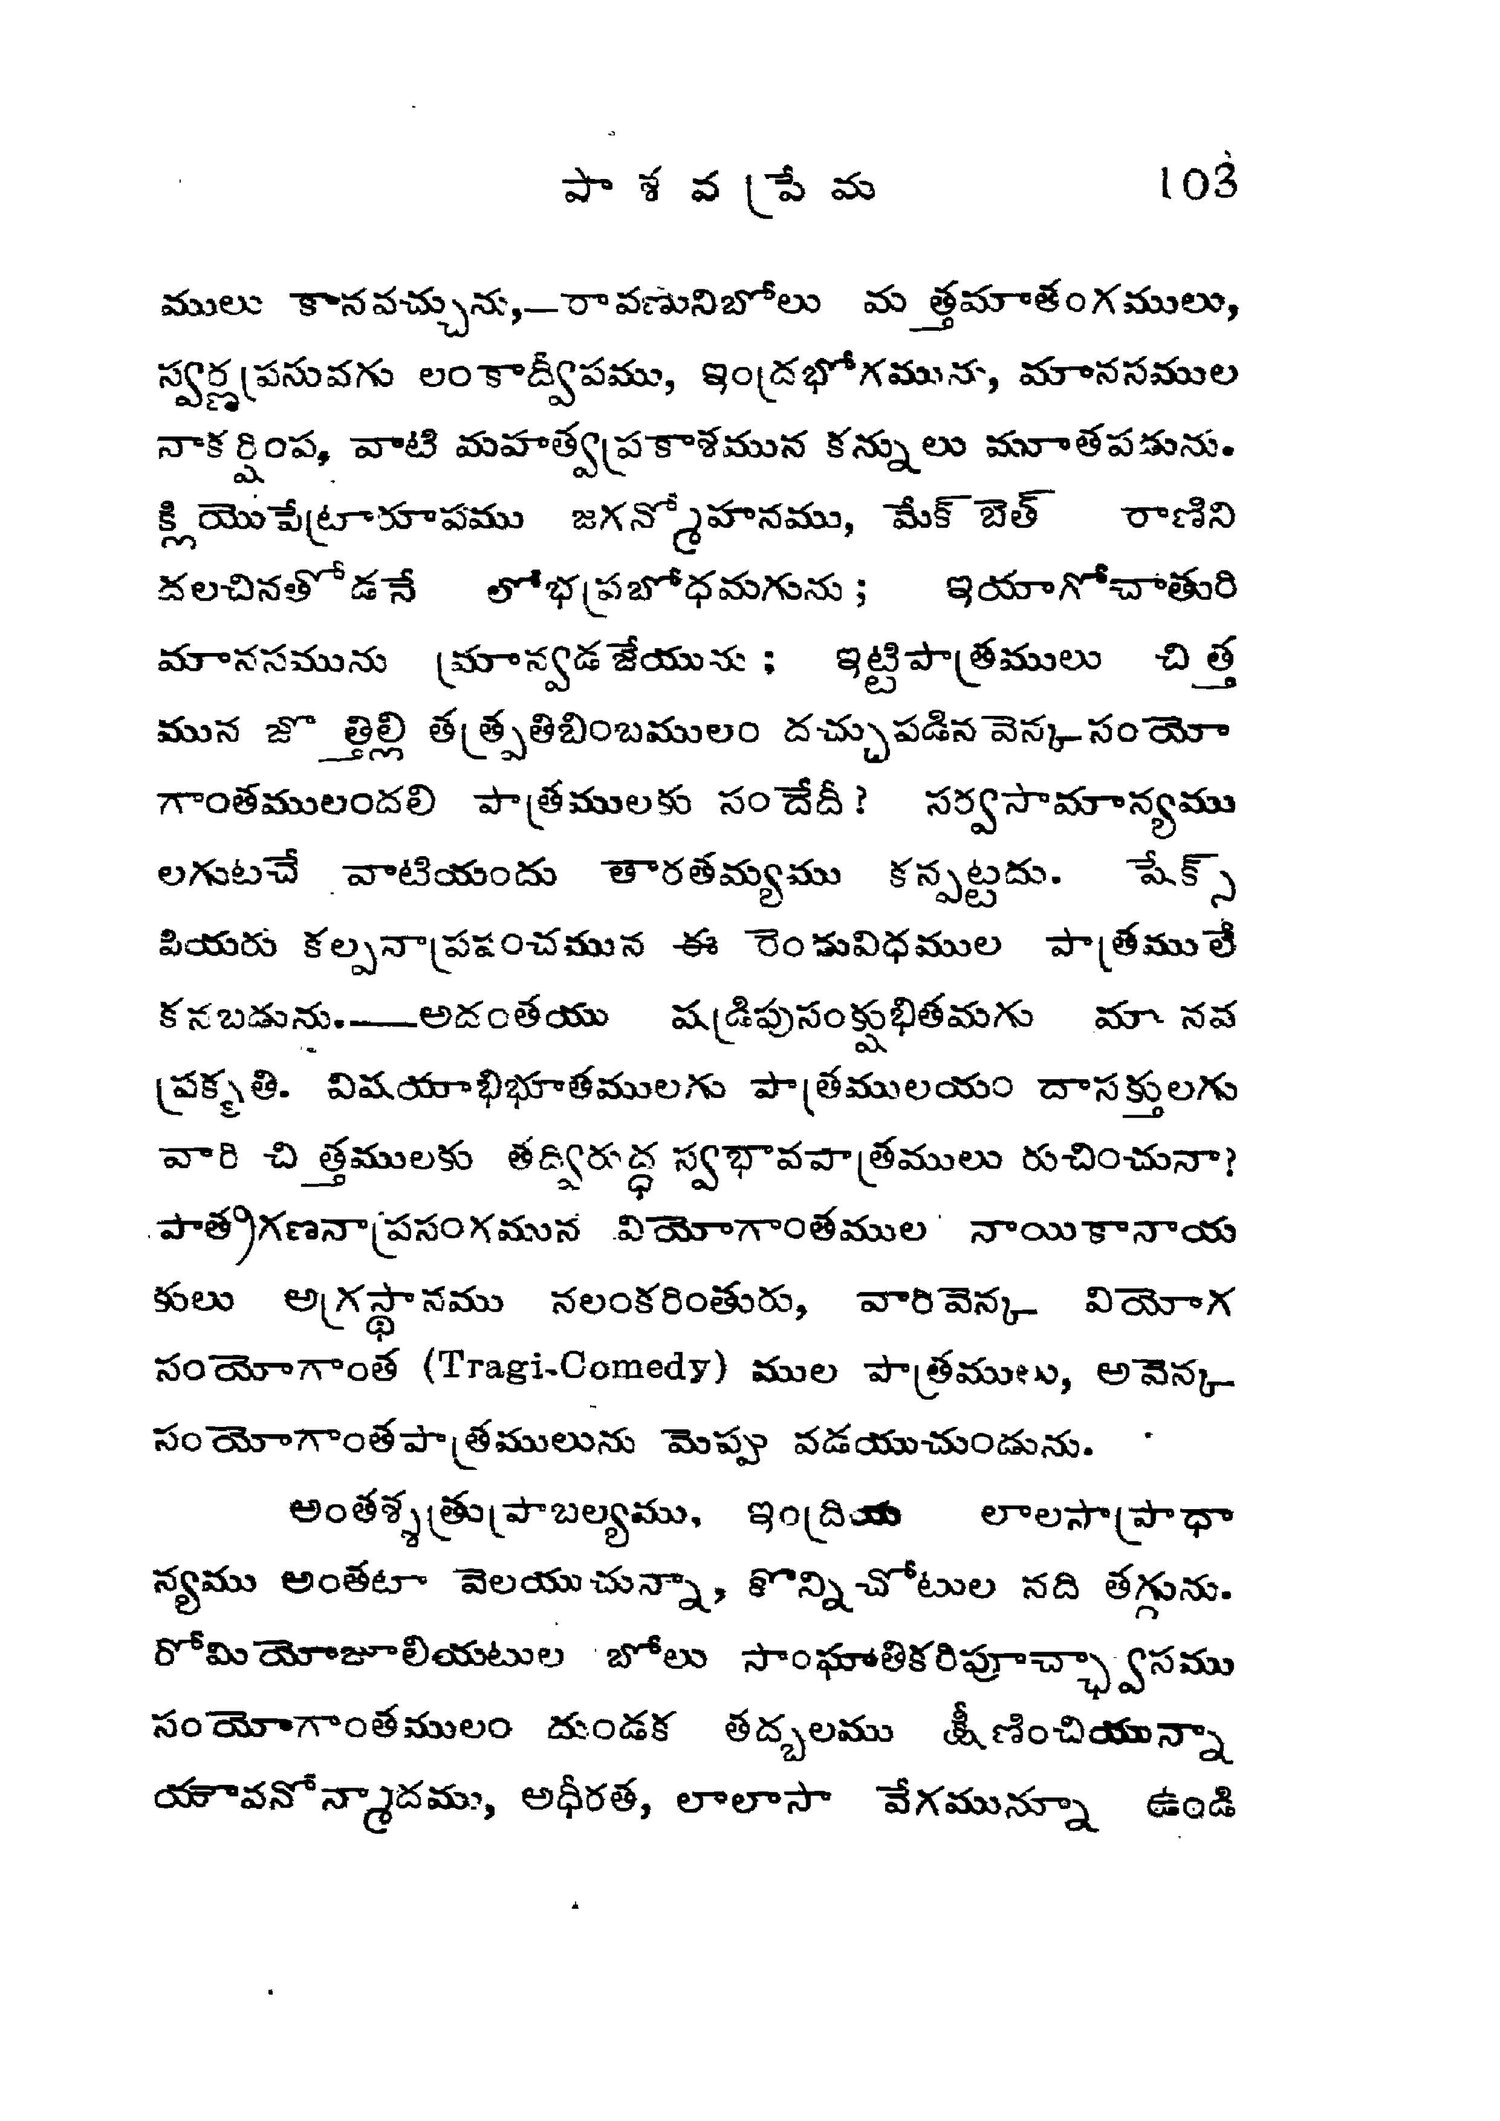ములు కానవచ్చును, - రావణునిబోలు మత్తమాతంగములు, స్వర్ణప్రసువగు లంకాద్వీపము, ఇంద్రభోగమును, మానసముల నాకర్షింప, వాటి మహత్వప్రకాశమున కన్నులు మూతపడును. క్లియొపేట్రారూపము జగన్మోహనము, మేక్ బెత్ రాణిని దలచినతోడనే లోభప్రబోధమగును; ఇయాగోచాతురి మానసమును మ్రాన్వడజేయును; ఇట్టిపాత్రములు చిత్తమున జొత్తిల్లి తత్ప్రతిబింబములం దచ్చుపడిన వెన్క సంయోగాంతములందలి పాత్రములకు సందేది? సర్వసామాన్యములగుటచే వాటియందు తారతమ్యము కన్పట్టదు. షేక్స్‌పియరు కల్పనాప్రపంచమున ఈ రెండువిధముల పాత్రములే కనబడును. - అదంతయు షడ్రిపుసంక్షుభితమగు మానవప్రకృతి. విషయాభిభూతములగు పాత్రములయం దాసక్తులగు వారి చిత్తములకు తద్విరుద్ధ స్వభావపాత్రములు రుచించునా? పాత్రగణనాప్రసంగమున వియోగాంతముల నాయికానాయకులు అగ్రస్థానము నలంకరింతురు, వారివెన్క వియోగ సంయోగాంత (Tragi - Comedy)ముల పాత్రములు, ఆవెన్క సంయోగాంతపాత్రములును మెప్పు వడయుచుండును.

అంతశ్శత్రుప్రాబల్యము, ఇంద్రియ లాలసాప్రాధాన్యము అంతటా వెలయుచున్నా, కొన్నిచోటుల నది తగ్గును. రోమియోజూలియటుల బోలు సాంఘాతికరిపూచ్ఛ్వాసము సంయోగాంతములం దుండక తద్బలము క్షీణించియున్నా యౌవనోన్మాదము, అధీరత, లాలసా వేగమున్నూ ఉండి